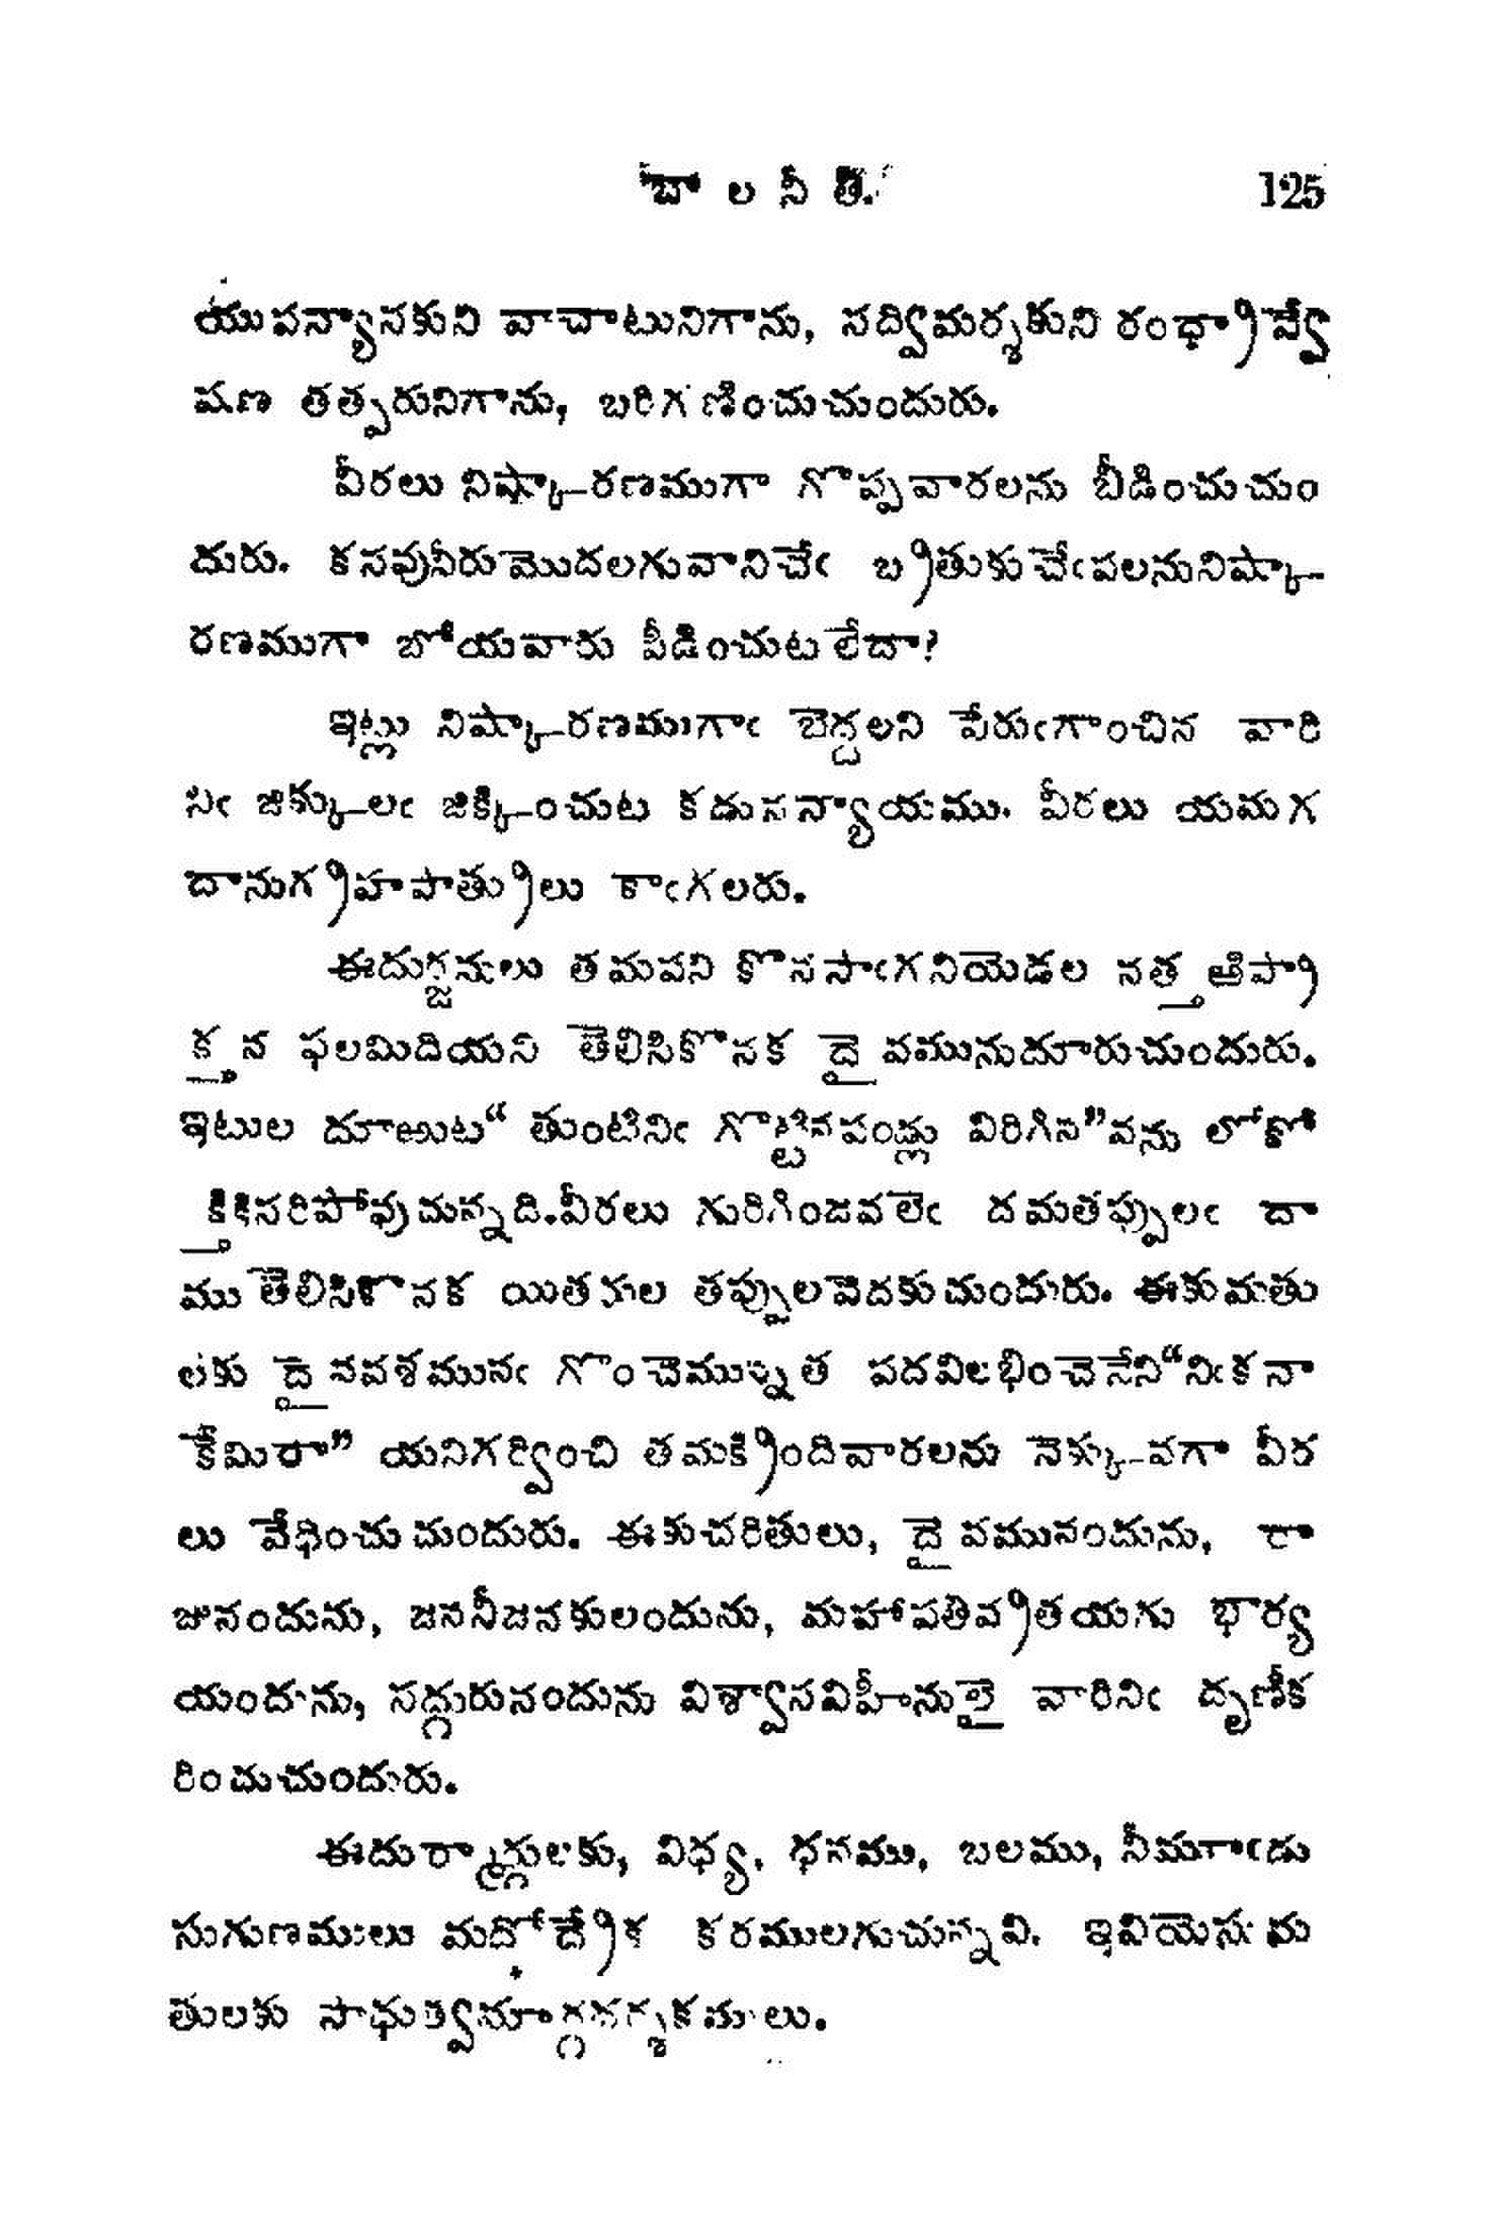యుపన్యాసకుని వాచాటునిగాను, సద్విమర్శకుని రంధ్రాన్వే
షణ తత్పరునిగాను, బరిగణించుచుందురు.

వీరలు నిష్కారణముగా గొప్పవారలను బీడించుచుం
దురు. కసవునీరుమొదలగువానిచేఁ బ్రతుకుచేఁపలనునిష్కా
రణముగా బోయవారు పీడించుటలేదా?

ఇట్లు నిష్కారణముగాఁ బెద్దలని పేరుఁగాంచిన వారి
నిఁ జిక్కులఁ జిక్కించుట కడునన్యాయము. వీరలు యమగ
దానుగ్రహపత్రులు కాఁగలరు.

ఈదుర్జనులు తమపని కొనసాఁగనియెడల నత్తఱిప్రా
క్తన ఫలమిదియని తెలిసికొనక దైవమునుదూరుచుందురు. 
ఇటుల దూఱుట “తుంటినిఁ గొట్టినపండ్లు విరిగిన“నను లోకో
క్తికిసరిపోవుచున్నది. వీరలు గురిగింజవలెఁ దమదప్పులఁ దా
ము తెలిసికొనక యితరుల తప్పులవెదకుచుందురు. ఈకుమతు
లకు దైవవశమునఁ గొంచెమున్నత పదవిలభించెనేని “నిఁకనా
కేమిరా“ యనిగర్వించి తమక్రిందివారలను నెక్కువగా వీర
లు వేధించుచుందురు. ఈకుచరితులు, దైవమునందును, రా
జునందును, జననీజనకులందును, మహాపతివ్రతయగు భార్య
యందును, సద్గురునందును విశ్వాసవిహీనులై వారినిఁ దృణీక
రించుచుందురు.

ఈదుర్మార్గులకు, విధ్య, ధనము, బలము, నీమూఁడు 
సుగుణములు మదోద్రేక కరములగుచున్నవి. ఇవియెసుమ
తులకు సాధుత్వమార్గదర్శకములు.